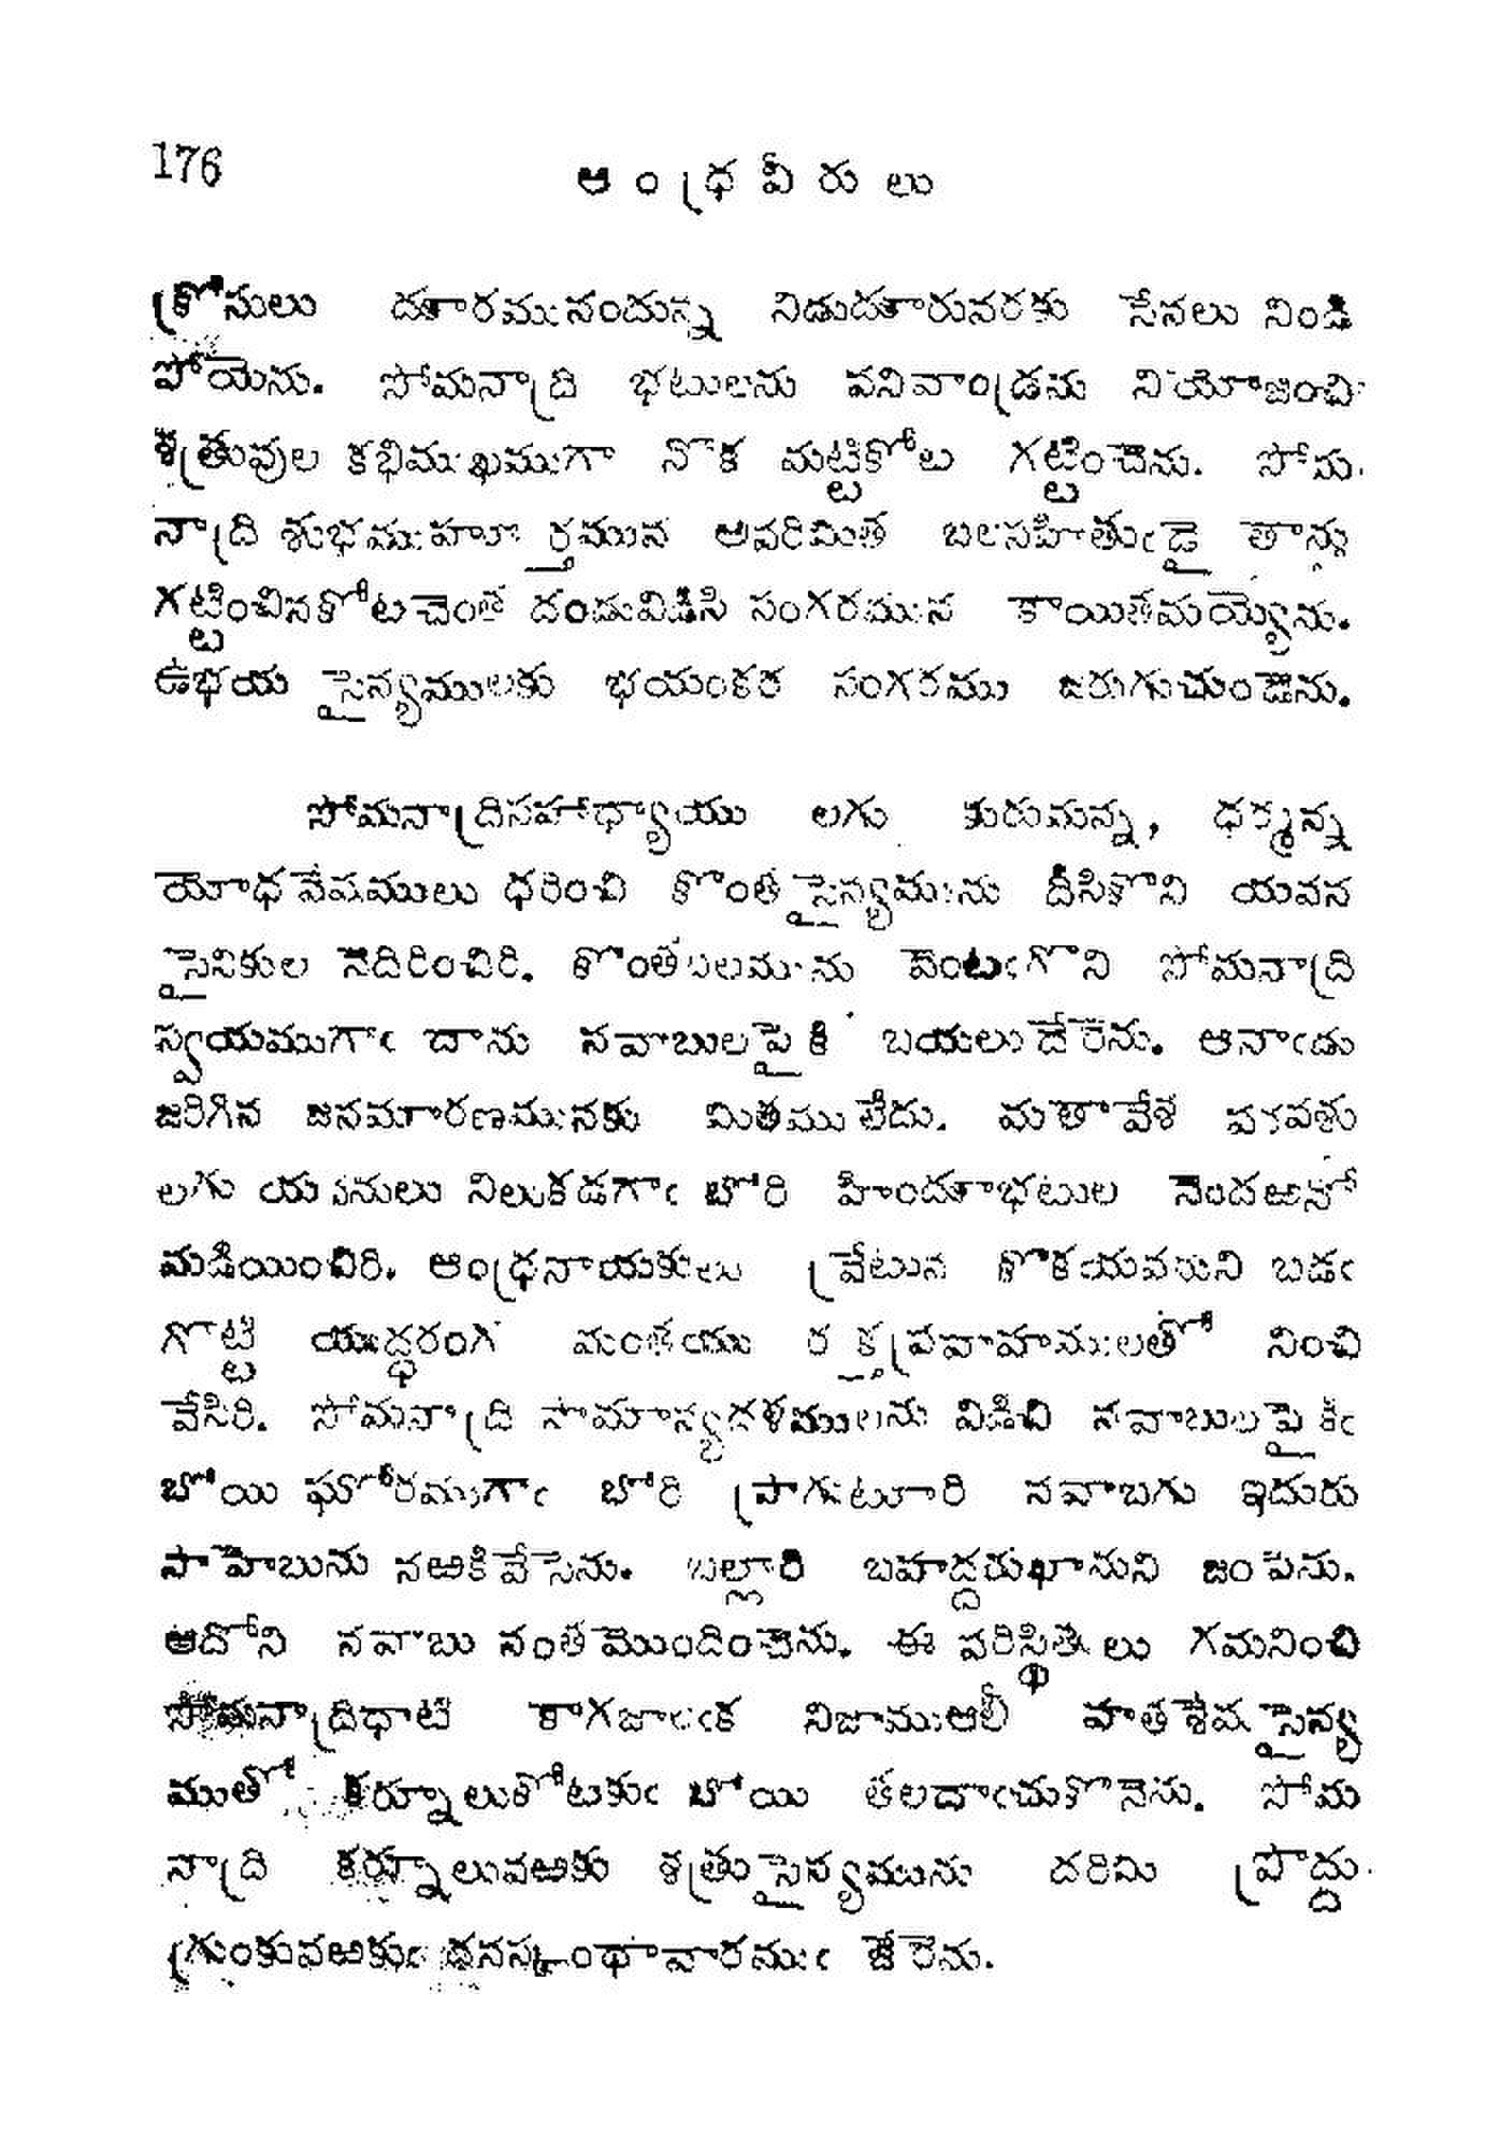క్రోసులు దూరమునందున్న నిడుదూరువరకు సేనలు నిండి పోయెను. సోమనాద్రి భటులను పనివాండ్రను నియోజించి శత్రువుల కబిముఖముగా నొక మట్టికోట గట్టించెను. సోమనాద్రి శుభముహూర్తమున అపరిమిత బలసమేతుడై తాను గట్టించినకోటచెంత దండువిడిసి సంగరమున కాయితమయ్యెను. ఉభయ సైన్యములకు భయంకర సంగరము జరుగుచుండెను.

సోమనాద్రిసహాధ్యాయులగు కురుమన్న, ధర్మన్న యోధవేషములు ధరించి కొంతసైన్యమును దీసికొని యవన సైనికుల నెదిరించిరి. కొంతబలమును వెంటగొని సోమనాద్రి స్వయముగా దాను నవాబులపైకి బయలుదేరెను. ఆనాడు జరిగిన జనమారణమునకు మితములేదు. మతావేశ పరవశులగు యవనులు నిలుకడగా బోరి హిందూభటుల నెందఱనో మడియించిరి. ఆంధ్రనాయకులు వ్రేటున కొకయవనుని బడగొట్టి యుద్ధరంగ మంతయు రక్తప్రవాహములతో నించివేసిరి. సోమనాద్రి సామాన్యదళములను విడిచి నవాబులపైకిబోయి ఘోరముగా బోరి ప్రాగుటూరి నవాబగు ఇదురు సాహెబును నఱకివేసెను. బల్లారి బహద్దరుఖానుని జంపెను. ఆదోని నవాబు నంతమొందించెను. ఈ పరిస్థితులు గమనించి సోమనాద్రిధాటి కాగజాలక నిజాముఆలీ హతశేషసైన్యముతో కర్నూలుకోటకు బోయి తలదాచుకొనెను. సోమనాద్రి కర్నూలువఱకు శత్రుసైన్యమును దరిమి ప్రొద్దుగ్రుంకువఱకు దనస్కంథావారము జేరెను.